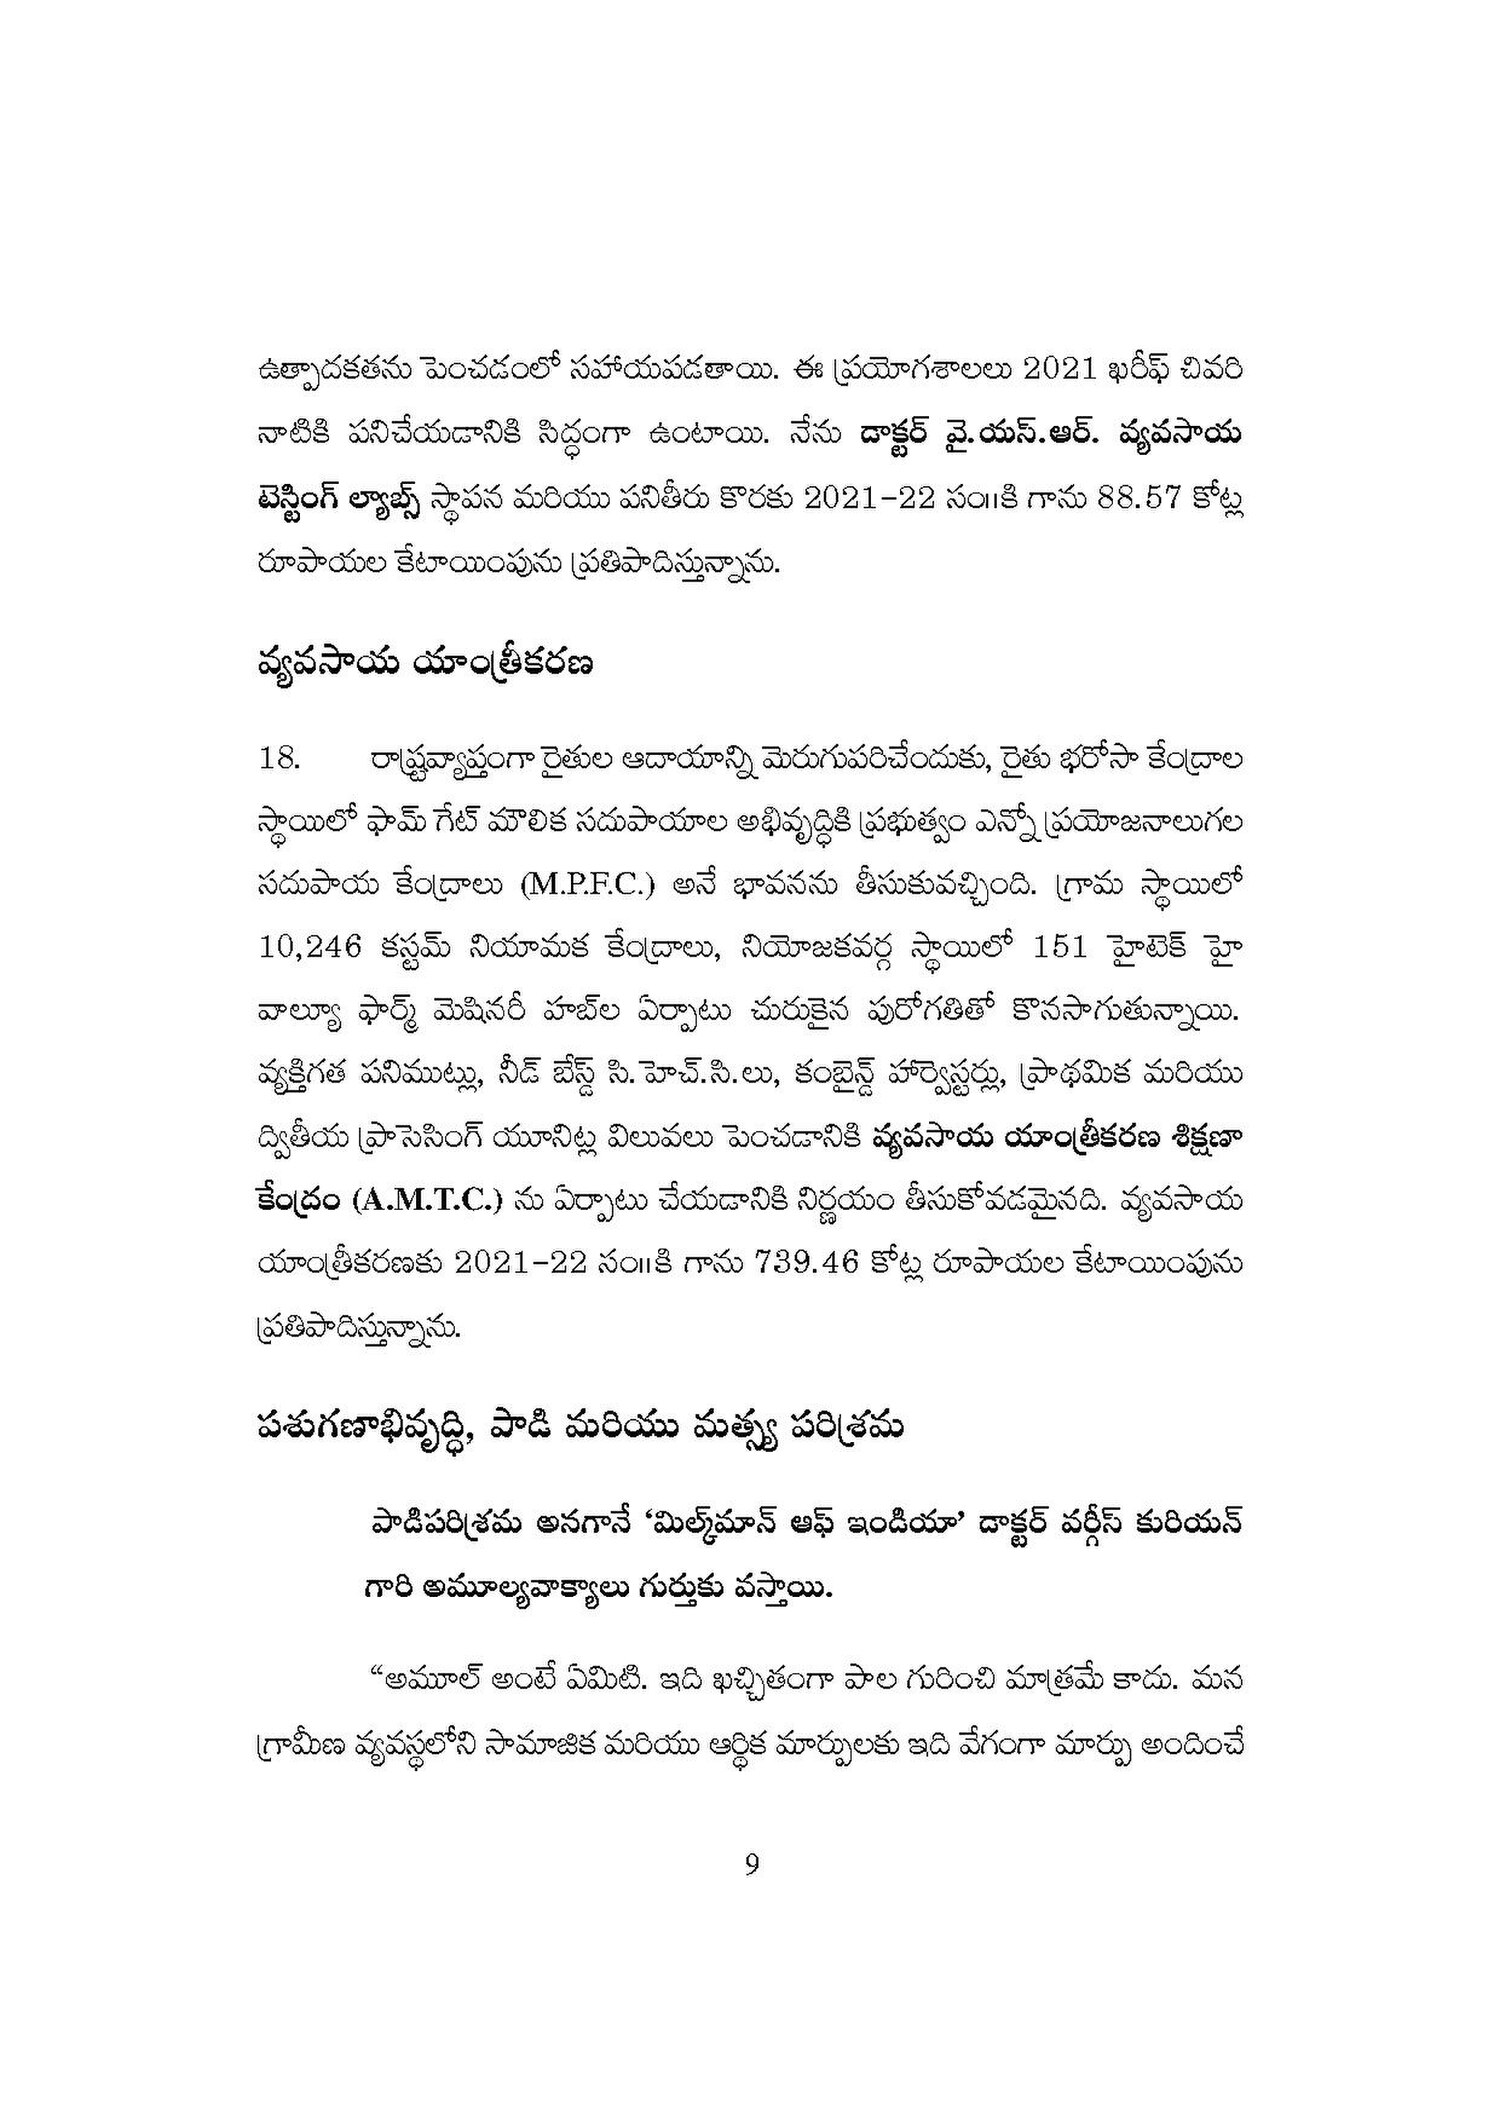ఉత్పాదకతను పెంచడంలో సహాయపడతాయి. ఈ ప్రయోగశాలలు 2021 ఖరీఫ్ చివరి
నాటికి పనిచేయడానికి సిద్ధంగా ఉంటాయి. నేను డాక్టర్ వై.యస్.ఆర్. వ్యవసాయ టెస్టింగ్ ల్యాబ్స్ స్థాపన మరియు పనితీరు కొరకు 2021-22 సం॥కి గాను 88.57 కోట్ల
రూపాయల కేటాయింపును ప్రతిపాదిస్తున్నాను.

వ్యవసాయ యాంత్రీకరణ

18. రాష్ట్రవ్యాప్తంగా రైతుల ఆదాయాన్ని మెరుగుపరిచేందుకు, రైతు భరోసా కేంద్రాల
స్థాయిలో ఫామ్ గేట్ మౌలిక సదుపాయాల అభివృద్ధికి ప్రభుత్వం ఎన్నో ప్రయోజనాలుగల
సదుపాయ కేంద్రాలు (M.P.F.C.) అనే భావనను తీసుకువచ్చింది. గ్రామ స్థాయిలో
10,246 కస్టమ్ నియామక కేంద్రాలు, నియోజకవర్గ స్థాయిలో 151 హైటెక్ హై
వాల్యూ ఫార్మ్ మెషినరీ హబ్ ఏర్పాటు చురుకైన పురోగతితో కొనసాగుతున్నాయి.
వ్యక్తిగత పనిముట్లు, నీడ్ బేస్డ్ సి. హెచ్.సి.లు, కంబైన్డ్ హార్వెస్టర్లు, ప్రాథమిక మరియు
ద్వితీయ ప్రాసెసింగ్ యూనిట్ల విలువలు పెంచడానికి వ్యవసాయ యాంత్రీకరణ శిక్షణా కేంద్రం (A.M.T.C.) ను ఏర్పాటు చేయడానికి నిర్ణయం తీసుకోవడమైనది. వ్యవసాయ
యాంత్రీకరణకు 2021-22 సం॥కి గాను 739.46 కోట్ల రూపాయల కేటాయింపును
ప్రతిపాదిస్తున్నాను.

పశుగణాభివృద్ధి, పాడి మరియు మత్స్య పరిశ్రమ

పాడిపరిశ్రమ అనగానే 'మిల్క్ మాన్ ఆఫ్ ఇండియా' డాక్టర్ వర్గీస్ కురియన్
గారి అమూల్యవాక్యాలు గుర్తుకు వస్తాయి. 

“అమూల్ అంటే ఏమిటి. ఇది ఖచ్చితంగా పాల గురించి మాత్రమే కాదు. మన
గ్రామీణ వ్యవస్థలోని సామాజిక మరియు ఆర్థిక మార్పులకు ఇది వేగంగా మార్పు అందించే